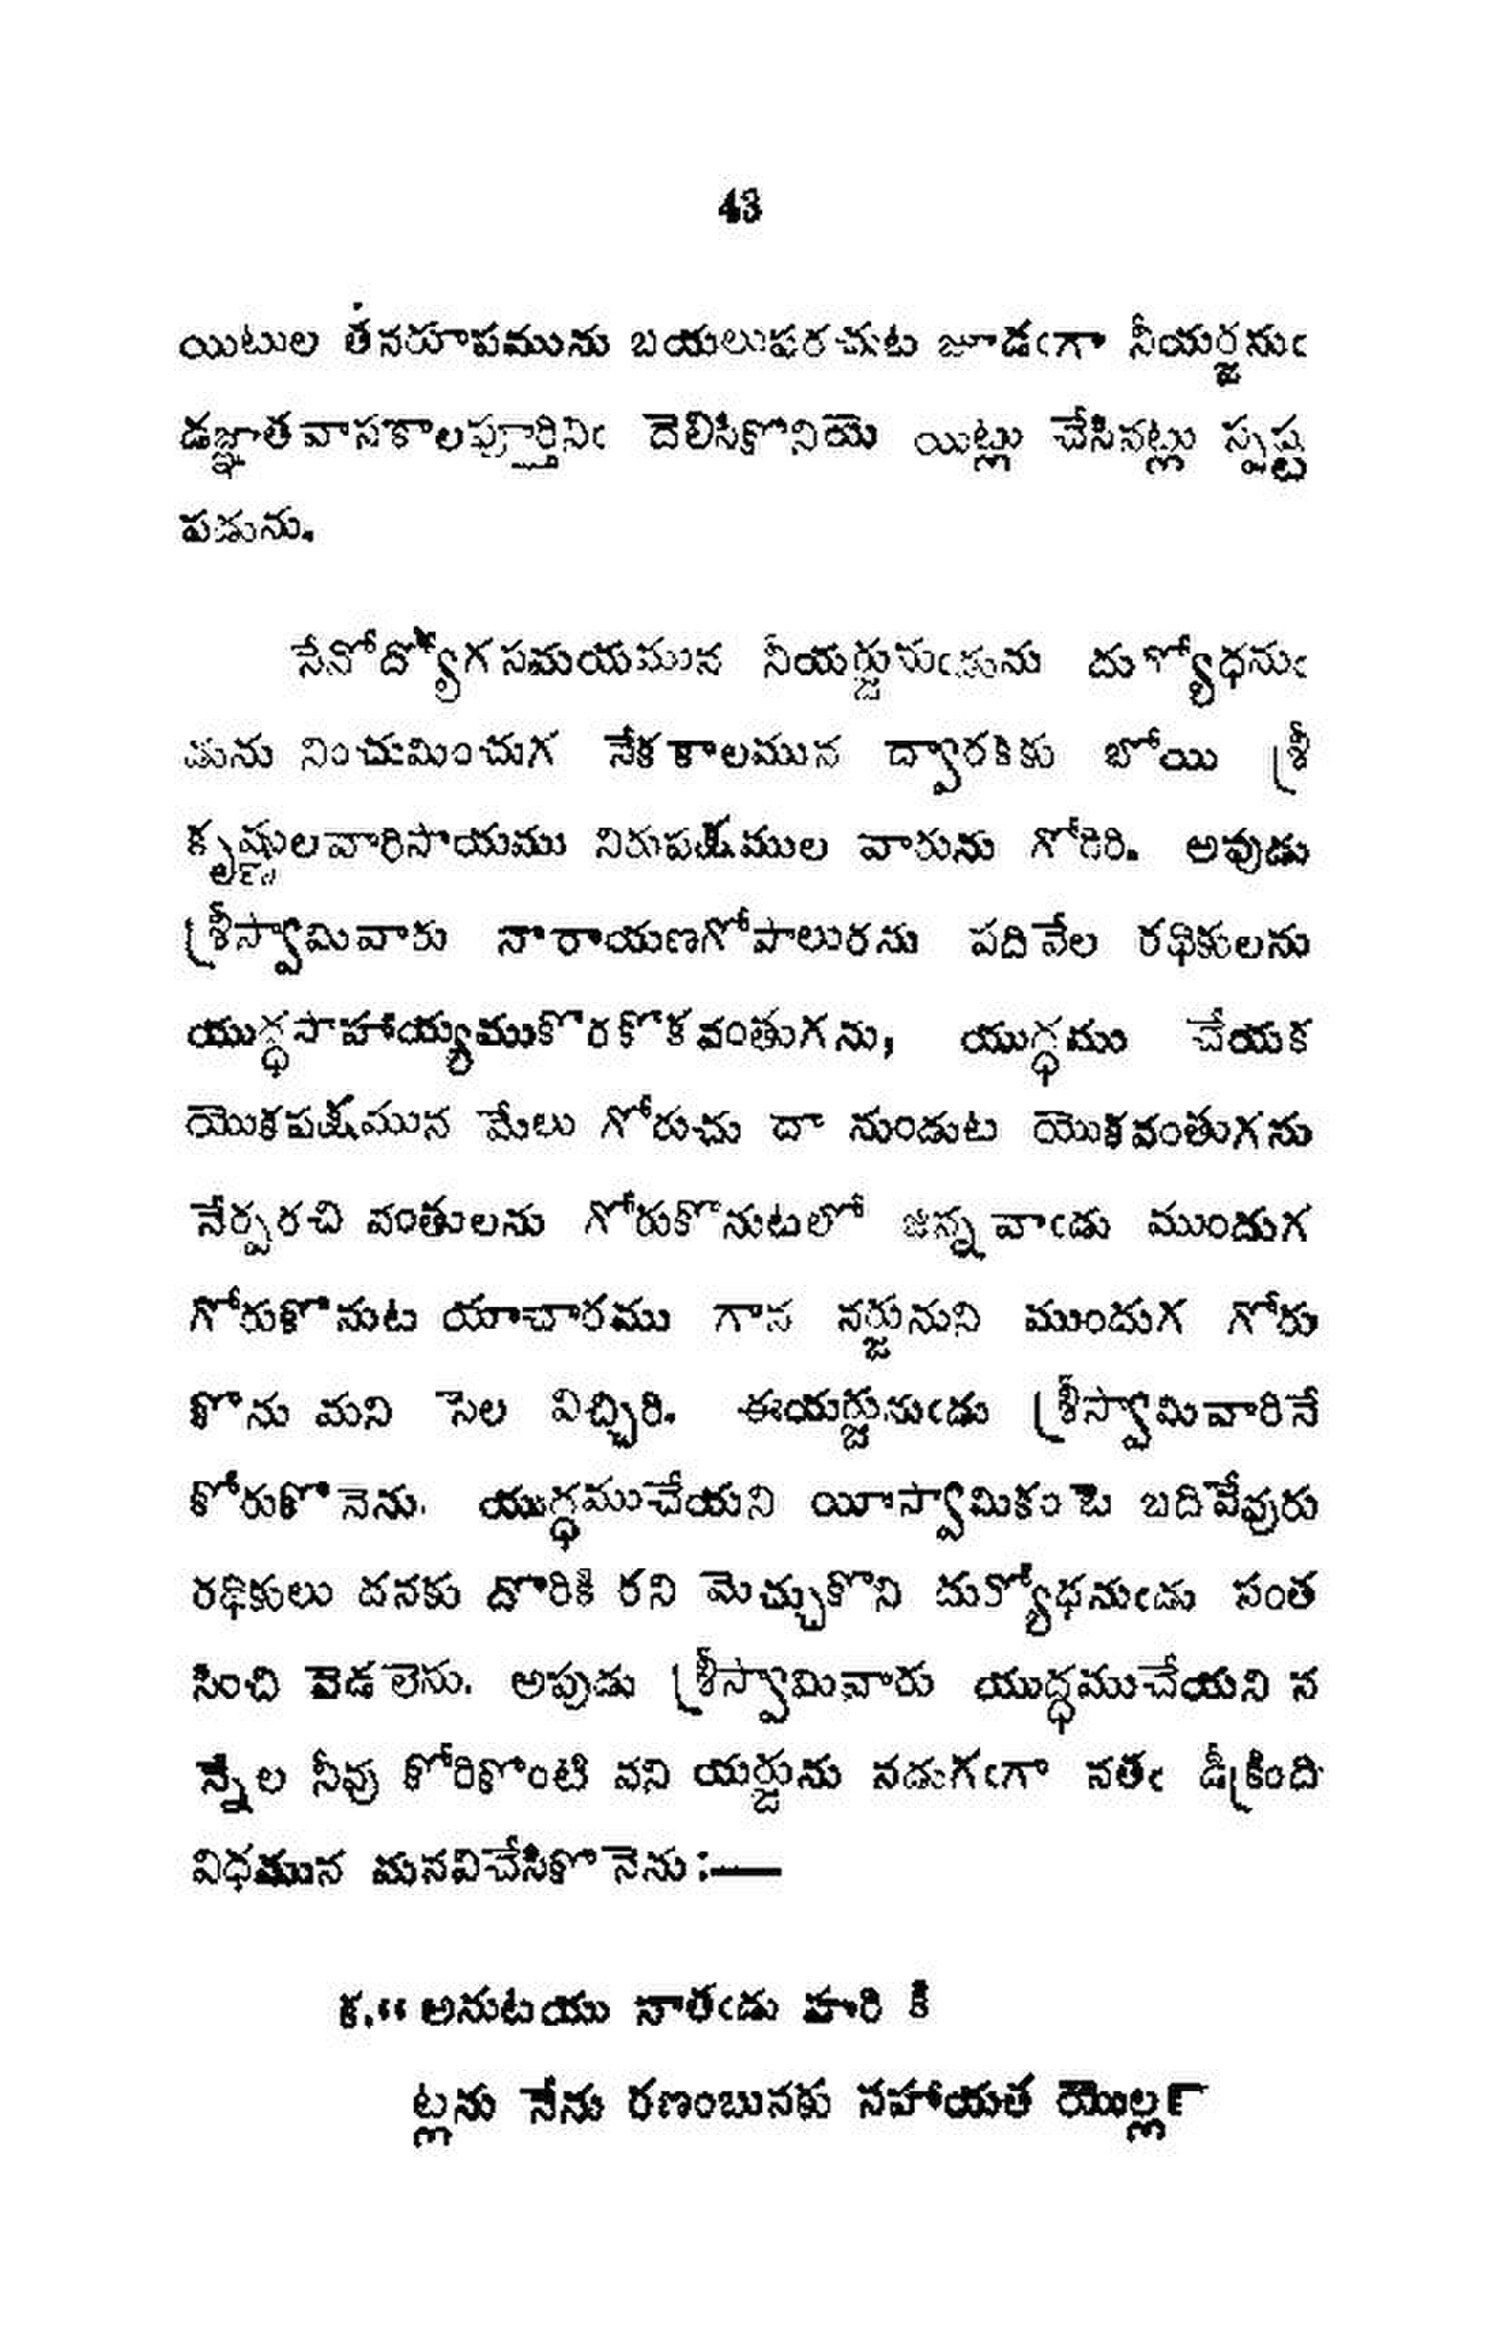యిటుల తనరూపమును బయలుపరచుట జూడఁగా నీయర్జనుఁ డజ్ఞాతవాసకాలపూర్తినిఁ దెలిసికొనియె యిట్లు చేసినట్లు స్పష్ట పడును,

సేనోద్యోగసమయమున నీయర్జునుఁడును దుర్యోధనుఁడును నించుమించుగ నేకకాలమున ద్వారకకు బోయి శ్రీకృషులవారిసాయము నిరుపక్షముల వారును గోరిరి. అపుడు శ్రీస్వామివారు నారాయణ గోపాలురను పదివేల రథికులను యుద్ధసాహాయ్యముకొరకొకవంతుగను, యుద్ధము చేయక
యొకపక్షమున మేలు గోరుచు దా నుండుట యొకవంతుగను నేర్పరచి వంతులను గోరుకొనుటలో జిన్నవాఁడు ముందుగ గోరుకొనుట యాచారము గాన నర్జునుని ముందుగ గోరుకొను మని సెల విచ్చిరి. ఈయర్జునుఁడు శ్రీస్వామివారినే కోరుకొనెను. యుద్ధముచేయని యీస్వామికంటె బదివేవురు రథికులు దనకు దొరికి రని మెచ్చుకొని దుర్యోధనుఁడు సంతసించి వెడలెను. అప్పుడు శ్రీస్వామివారు యుద్ధముచేయని నన్నేల నీవు కోరికొంటి వని యర్జును నడుగఁగా నతఁ డీక్రింది విధమున మనవిచేసికొనెను:--

క. "అనుటయు నాతఁడు హరి కి
 ట్లను నేను రణంబునకు సహాయత యొల్లన్